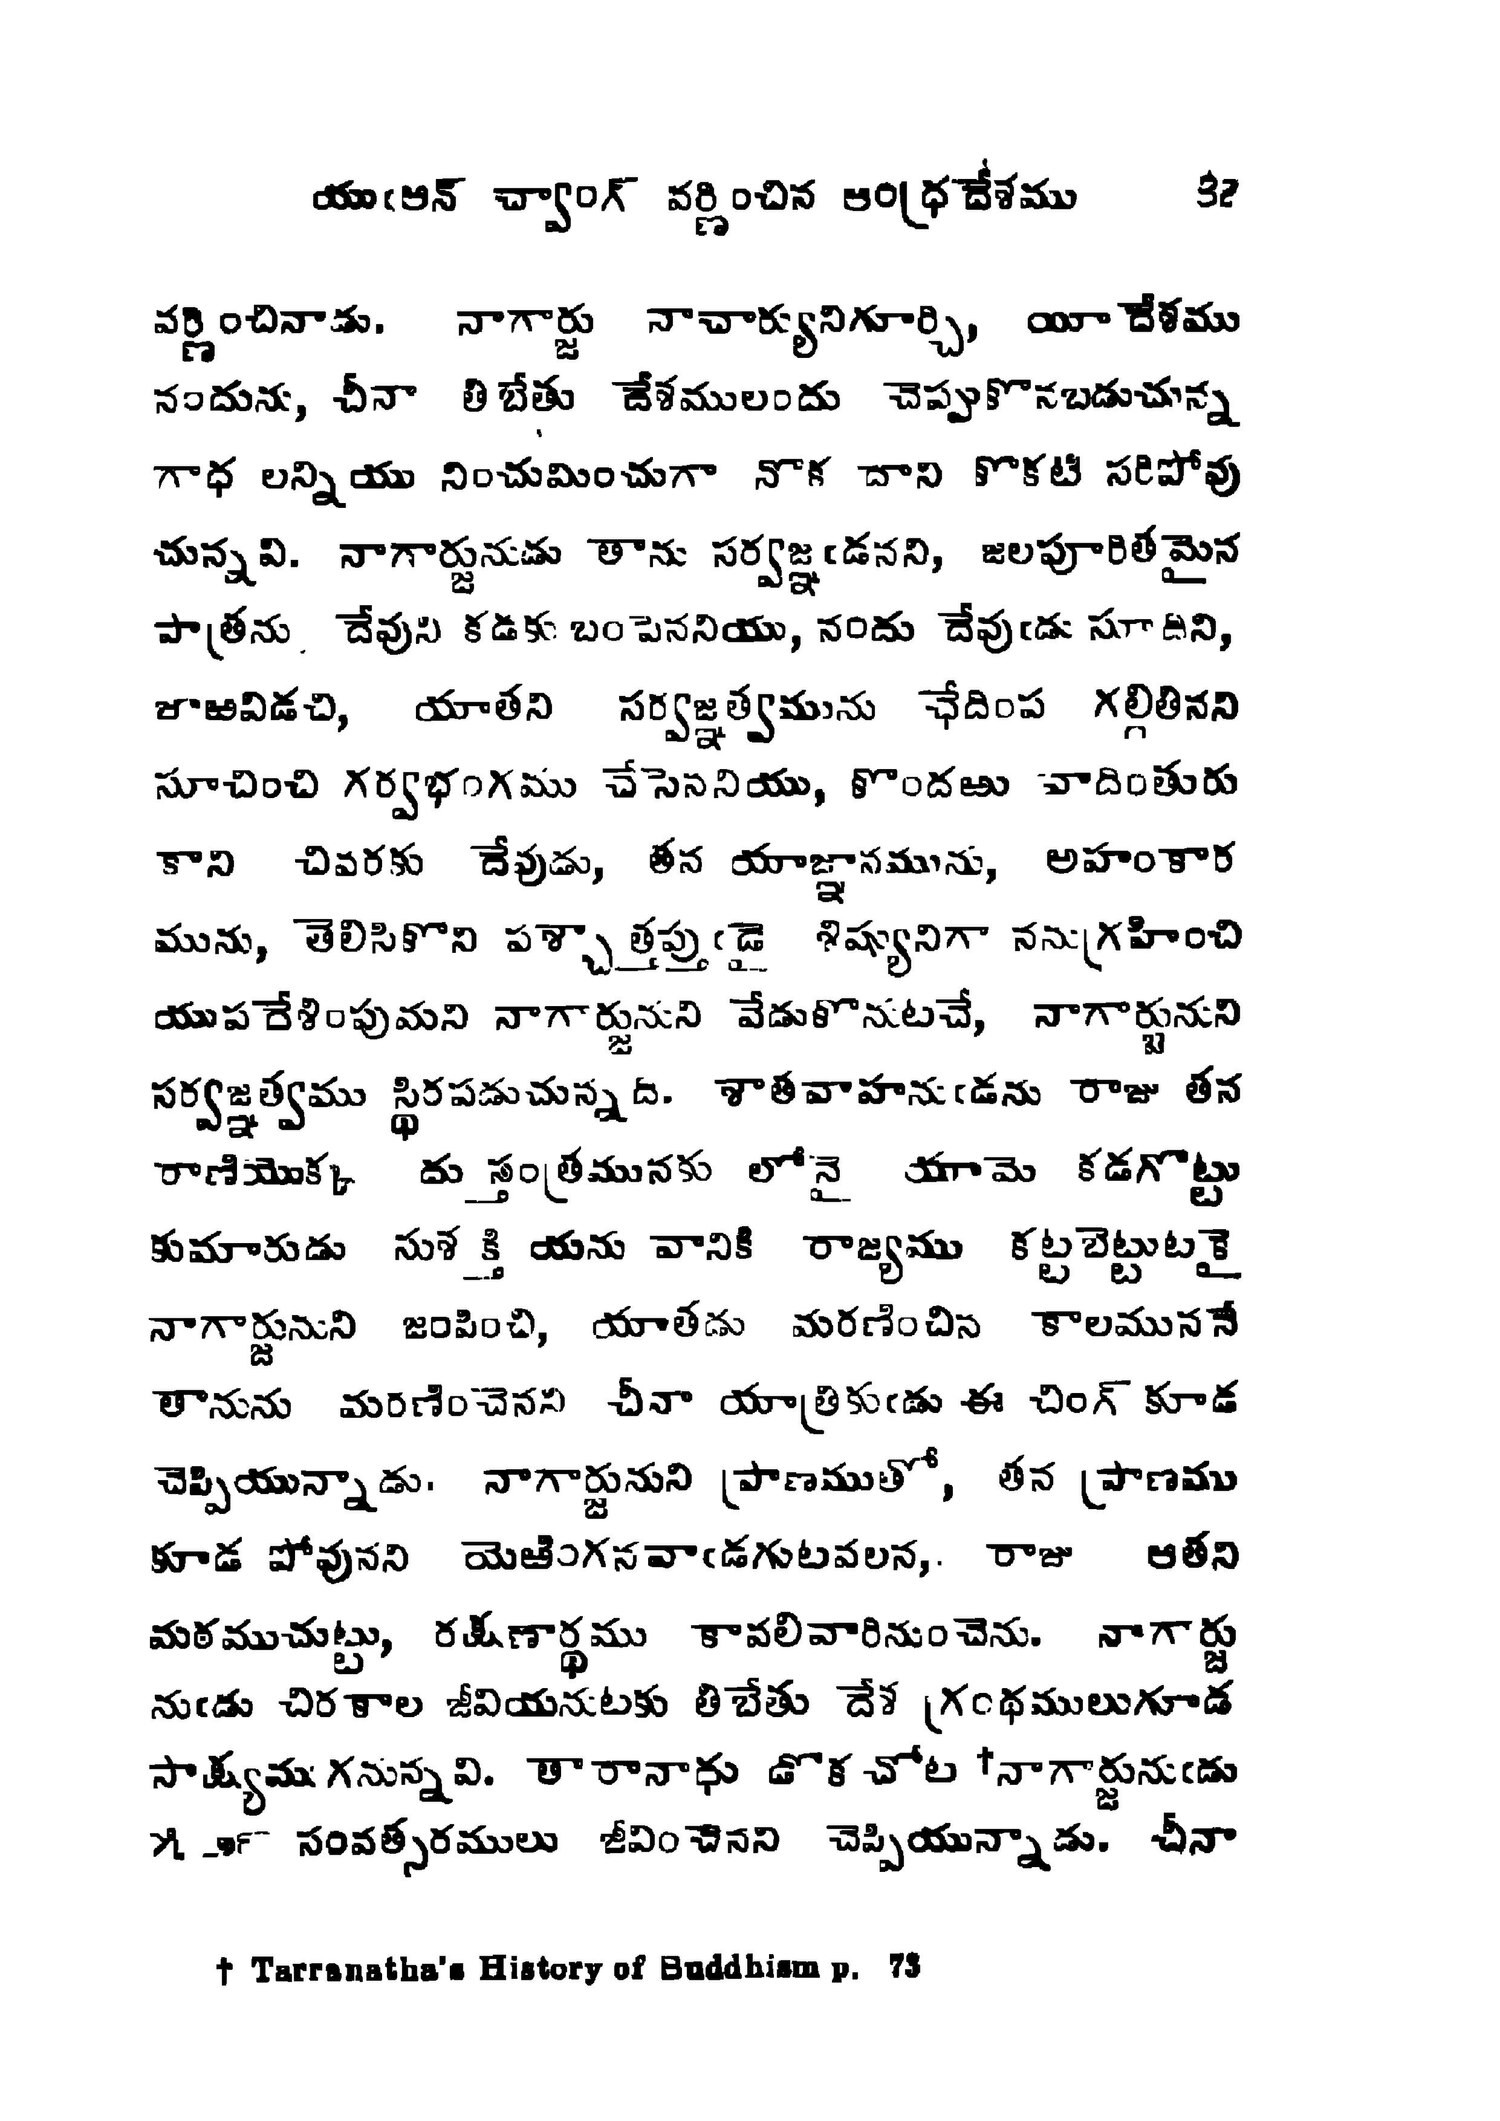వర్ణించినాడు. నాగార్జు నాచార్యునిగూర్చి, యీదేశమునందును, చీనా తిబేతు దేశములందు చెప్పుకొనబడుచున్న గాధ లన్నియు నించుమించుగా నొక దాని కొకటి సరిపోవుచున్నవి. నాగార్జునుడు తాను సర్వజ్ఞడనని, జలపూరితమైన పాత్రను దేవుని కడకు బంపెననియు, నందు దేవుడు సూదిని, జాఱవిడచి, యాతని సర్వజ్ఞత్వమును ఛేదింప గల్గితినని సూచించి గర్వభంగము చేసెననియు, కొందఱు వాదిందుతురు. కాని చివరకు దేవుడు, తన యాజ్ఞానమును, అహంకారమును, తెలిసికొని పశ్చాత్తప్తుడై శిష్యునిగా ననుగ్రహించి యుపదేశింపుమని నాగార్జునుని వేడుకొనుటచే, నాగార్జునుని సర్వజ్ఞత్వము స్థిరపడుచున్నది. శాతవాహనుడను రాజు తన రాణియొక్క దుస్తంత్రమునకు లోనై యామె కడగొట్టు కుమారుడు సుశక్తి యను వానికి రాజ్యము కట్టబెట్టుటకై నాగార్జునుని జంపించి, యాతడు మరణించిన కాలముననే తానును మరణించెనని చీనా యాత్రికుడు ఈ చింగ్ కూడ చెప్పియున్నాడు. నాగార్జునుని ప్రాణముతో, తన ప్రాణము కూడ పోవునని యెఱింగనవాడగుటవలన, రాజు ఆతని మఠముచుట్టు, రక్షణార్థము కావలివారినుంచెను. నాగార్జునుడు చిరకాల జీవియనుటకు తిబేతు దేశ గ్రంథములుగూడ సాక్ష్యముగనున్నవి. తారానాధు డొకచోట నాగార్జునుడు 529 సంవత్సరములు జీవించెనని చెప్పియున్నాడు. చీనా